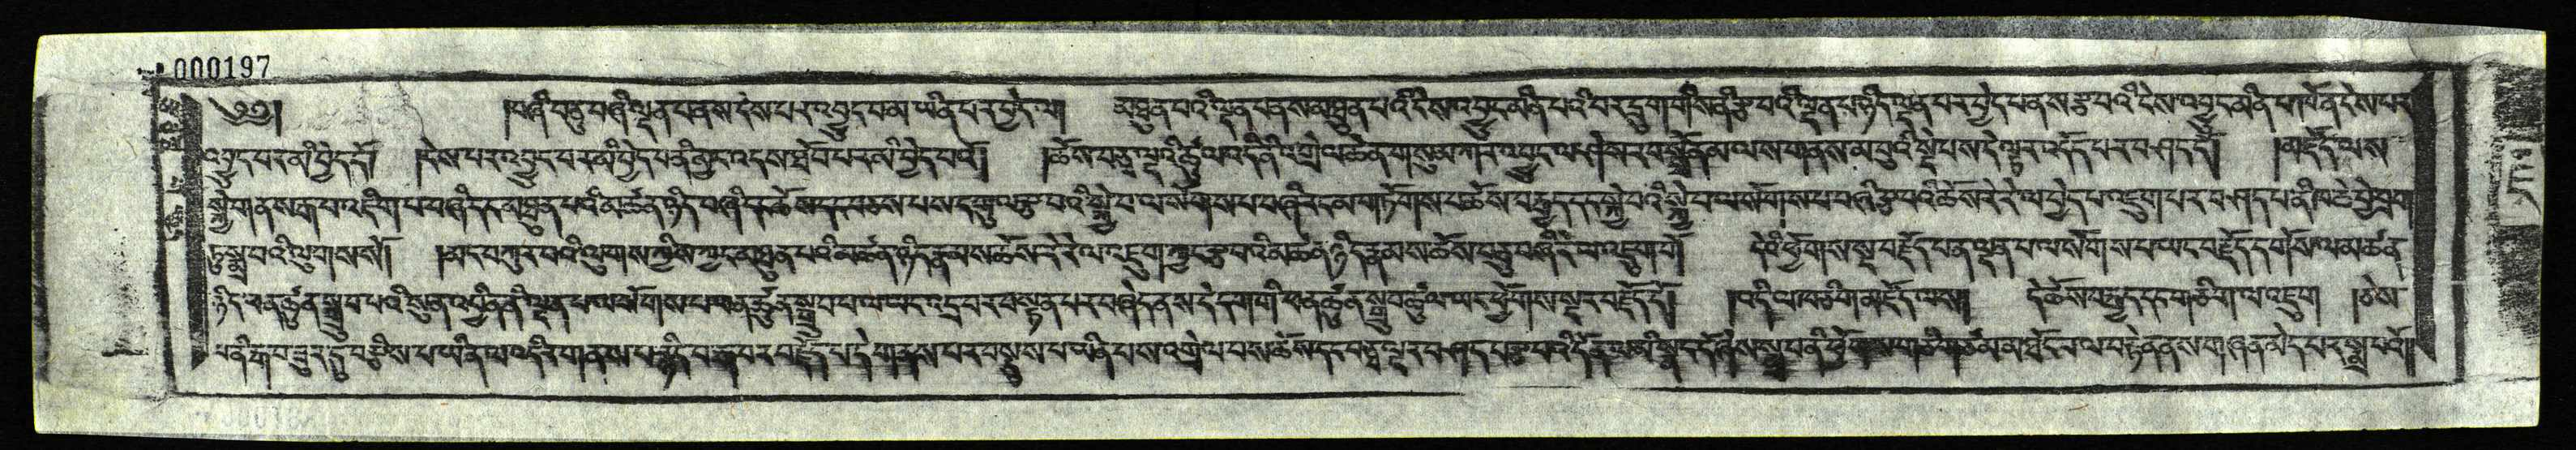༄༅། །བཞི་བཅུ་བཞི་ལྡན་པ་ནས་ངེས་པར་འབྱུང་བ་མ་ཡིན་པར་བྱེད་ལ། མཐུན་པའི་ལྡན་པ་ནས་མཐུན་པའི་ངེས་འབྱུང་མིན་པའི་བར་དྲུག་གིས་ནི་རྩ་བའི་ལྡན་པ་ཉིད་ལྡན་པར་བྱེད་པ་ནས་རྩ་བའི་ངེས་འབྱུང་མིན་པ་ཁོ་ན་ངེས་པར་
འབྱུང་བར་མི་བྱེད་དོ། །ངེས་པར་འབྱུང་བར་མི་བྱེད་པ་ནི་མྱང་འདས་ཐོབ་པར་མི་བྱེད་པའོ། །ཆོས་བཅྭ་ལྔའི་ཚུལ་འདི་ནི་འགྲེལ་ཆེན་གསུམ་ཀར་འབྱུང་ལ་ཤེས་རབ་སྒྲོན་མ་ལས་གནས་མ་བུའི་སྡེ་པས་དེ་ལྟར་འདོད་པར་བཤད་དོ། །མཛོད་ལས་
སྐྱེ་གནས་རྒ་བ་འཇིག་པ་བཞི་དང་མཐུན་པའི་མཚན་ཉིད་བཞི་དང་ཆོས་དང་བཅས་པས་དགུལ་རྩ་བའི་སྐྱེ་བ་ལ་སོགས་པ་བཞི་རང་མ་གཏོགས་པ་ཆོས་བརྒྱད་དང་སྐྱེ་བའི་སྐྱེ་བ་ལ་སོགས་པ་བཞི་རྩ་བའི་ཆོས་རེ་རེ་ལ་བྱེད་པ་འཇུག་པར་བཤད་པ་ནི་ཁ་ཆེ་བྱེ་བྲག་
ཏུ་སྨྲ་བའི་ལུགས་སོ། །མང་བཀུར་བའི་ལུགས་ཀྱིས་ཀྱང་མཐུན་པའི་མཚན་ཉིད་རྣམས་ཆོས་རེ་རེ་ལ་འཇུག་ཀྱང་རྩ་བའི་མཚན་ཉིད་རྣམས་ཆོས་བཅུ་བཞི་རེ་ལ་འཇུག་གོ་དེའི་ཕྱོགས་སྔ་བརྗོད་པ་ན་ལྡན་པ་ལ་སོགས་པ་ཡང་བརྗོད་དགོས་ལ་མཚན་
ཉིད་ཕན་ཚུན་སྒྲུབ་པའི་སུན་འབྱིན་ནི་ལྡན་པ་ལ་སོགས་པ་ཕན་ཚུན་སྒྲུབ་པ་ལ་ཡང་འདྲ་བར་བསྟན་པར་བཞེད་ནས་དེ་དག་གི་ཕན་ཚུན་སྒྲུབ་ཚུལ་ཡང་ཕྱོགས་སྔར་བརྗོད་དོ། །འདི་ལ་ཁ་ཅིག་མཛོད་ལས། དེ་ཆོས་བརྒྱད་དང་གཅིག་ལ་འཇུག །ཅེས་
པ་ནི་རྒ་བ་ཟུར་དུ་བརྩིས་པ་ཡིན་ལ་འདིར་གནས་པ་རྙིང་པ་རྒ་བར་བརྗོད་པ་དེ་གནས་པར་བསྡུས་པ་ཡིན་པས་འགྲེལ་བས་ཆོས་དང་བཅྭ་ལྔར་བཤད་པ་རྩ་བའི་དོན་ལ་མི་སྣང་ངོ་ཞེས་སྨྲ་བ་ནི་ཕྱོགས་གཅིག་ཙམ་མཐོང་བ་ལ་བརྟེན་ནས་གཞན་མེད་པར་སྨྲ་པའོ།།